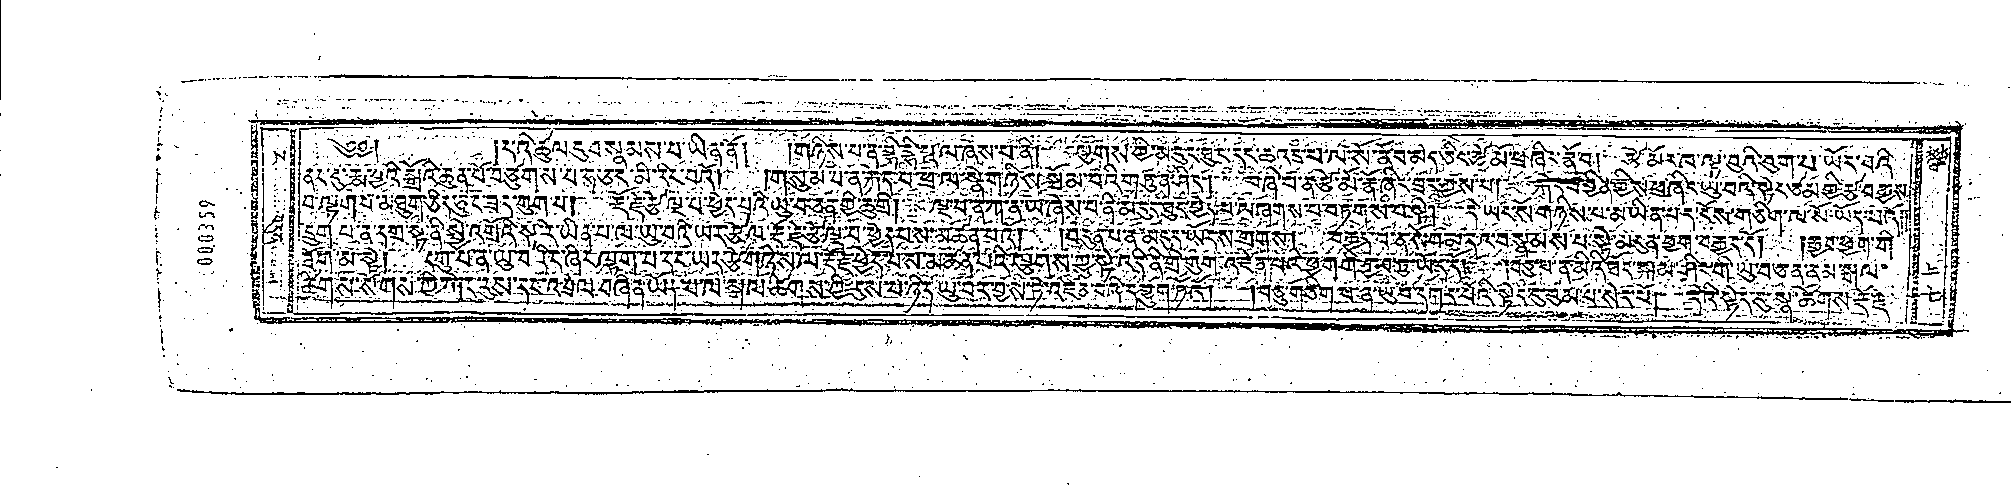༄༅། །པའི་ཚུལ་དུ་བསྣམས་པ་ཡིན་ནོ། །གཉིས་པ་ན་བྷི་རྷི་པཱ་ལ་ཞེས་པ་ནི། ལྕགས་ཀྱི་མདུང་ཐུང་དང་ཆ་འདྲ་པ་ལ་སོ་ནོབ་མེད་ཅིང་རྩེ་མོ་ཕྲ་ཞིང་རྣོ་བ། རྩེ་མོར་ཁ་ལྟ་བུའི་བུག་པ་ཡོད་པའི་
ནང་དུ་རྨ་བྱའི་སྒྲོའི་ཆུན་པོ་བཙུགས་པ་ཧ་ཅང་མི་རིང་བའོ། །གསུམ་པ་ན་རྐེད་པ་ཕྲ་ལ་སྣེ་གཉིས་སྦོམ་བའི་གཏུན་ཤིང་། བཞི་པ་ན་རྩེ་མོ་རྣོ་ཞིང་བྲང་རྒྱས་པ། རྐེད་པ་བྱིན་གྱིས་ཕྲ་ཞིང་ཡུ་བའི་སྟེང་ཙམ་གྱི་རྩ་བ་རྒྱས་
པ་ལྟག་པ་མཐུག་ཅིང་ཅུང་ཟད་གུག་པ། རྡོ་རྗེ་རྩེ་ལྔ་པ་ཕྱེད་པའི་ཡུ་བ་ཅན་གྱི་ཆུ་གྲི། ལྔ་པ་ན་ཀ་ན་ཡ་ཞེས་པ་ནི་མདུང་ཐུང་བྱེད་པ་ལ་ཞགས་པ་བཏགས་པ་སྟེ། དེ་ཡང་སོ་གཉིས་པ་མ་ཡིན་པར་ངོས་གཅིག་ལ་སོ་ཡོད་པའོ།།
དྲུག་པ་ན་དགྲ་སྟ་ནི་སྤྱི་འགྲོའི་སྟ་རེ་ཡིན་པ་ལ་ཡུ་བའི་ཡར་རྩེལ་རྡོ་རྗེ་རྩེ་ལྔ་པ་ཕྱེད་པས་མཚན་པའོ། །བདུན་པ་ན་མདུང་ཡོངས་གྲགས། བརྒྱད་པ་ན་སོག་མདའ་བསྣམས་པ་སྟེ་མདུན་ཕྱག་བརྒྱད་དོ། །རྒྱབ་ཕྱག་གི་
ཐོག་མ་སྟེ། དགུ་པ་ན་ཡུ་བ་རིང་ཞིང་ལྟག་པ་དང་ཡར་རྩེ་གཉིས་ལ་རྡོ་རྗེ་ཕྱེད་པས་མཚན་པའི་ལྕགས་ཀྱུ་སྟེ་འདི་ནི་གྲི་གུག་འཛིན་པའི་ཕྱག་གི་རྒྱབ་ཏུ་ཡོད་དོ། །བཅུ་པ་ན་མིའི་ཐོད་སྐམ་ཤིང་གི་ཡུ་བ་ཅན་ནམ་སྒལ་
ཚིགས་སོགས་ཀྱི་ཀེད་རུས་དང་འབྲེལ་བཞིན་ཡོད་པ་ལ་སྒལ་ཚིགས་ཀྱི་རུས་པ་ཉིད་ཡུ་བར་བྱས་ཏེ་འཛིན་པའི་དབུག་ཏོའོ། །བཅུ་གཅིག་པ་ན་ཡུ་བ་དཀར་པོའི་སྟེང་དུ་བུམ་པ་སེར་པོ། དེའི་སྟེང་དུ་སྣ་ཚོགས་རྡོ་རྗེ་